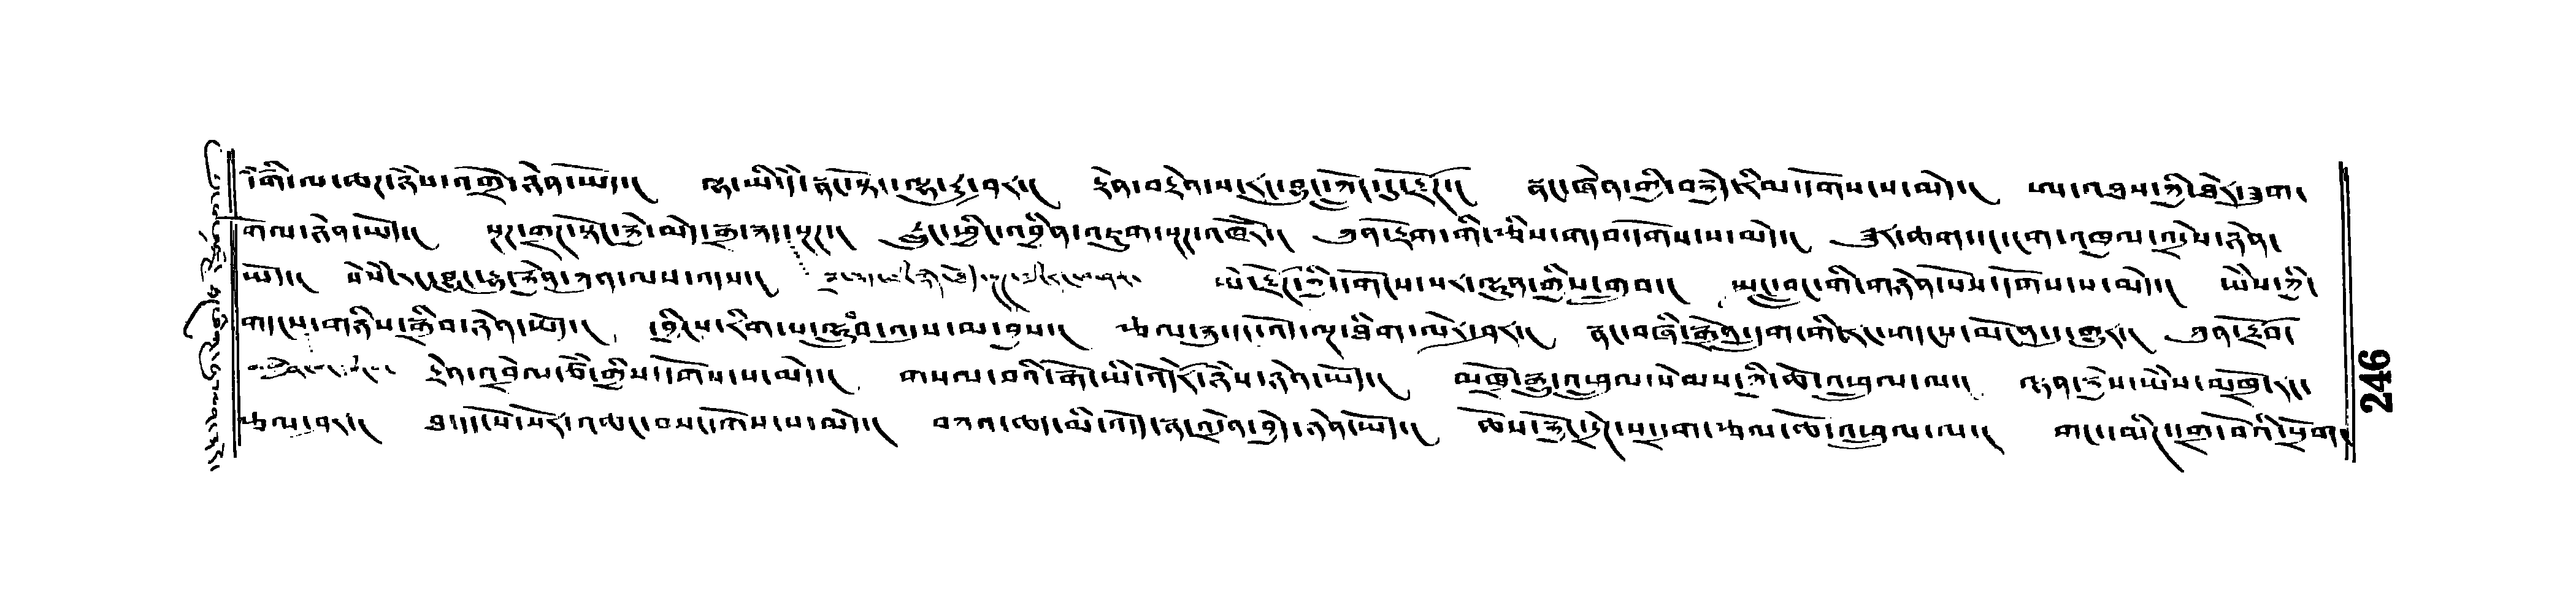།དམ་ཚིག་ལ་ཆག་ཉམས་འགྲོ་ཉེན་ཡོད། །ལྷ་ཡི་དམ་སྣང་སྟོང་ལྷ་རུ་ཤར། །རྟེན་བརྟེན་པ་རང་བྱུང་ཀློང་དུ་རྫོགས། །སྣང་ཞེན་གྱི་བསྐྱེད་རིམ་དགོས་པ་མེད། །ཨ་འཐས་ཀྱི་ཐེར་ཟུག་
གོལ་ཉེན་ཡོད། །སྔགས་གྲགས་སྟོང་སྐྱེ་མེད་སྒྲ་སྐད་སྔགས། །རླུང་ཕྱི་ནང་འབྱིན་འཇུག་སྔགས་འཁོར་ལོ། །ཀུན་རྟོག་གི་རྩིས་གདབ་དགོས་པ་མེད། །ཟུར་ཆག་དང་ངག་འཁྱལ་འདྲེས་ཉེན་
ཡོད། །སེམས་རང་བྱུང་རྒྱུ་རྐྱེན་ཀུན་ལས་འདས། །ཡེ་རྫོགས་ཀྱི་དགོངས་པར་ལྷུན་གྱིས་གྲུབ། །སྤང་བླང་གི་གཉེན་པོའི་དགོས་པ་མེད། །ཡེ་ཤེས་ཀྱི་
གདངས་གཉིས་སྒྲིབ་ཉེན་ཡོད། །དབྱིངས་རིག་པ་ལྷུན་གྲུབ་འདུས་མ་བྱས། །རྩལ་སྐུ་དང་འོད་ལྔ་ཐིག་ལེར་ཤར། །སྣང་བཞི་སྒྲོན་དྲུག་གི་རང་འདངས་མངོན་དུ་གྱུར། །ཀུན་རྫོབ་
རྟེན་འབྲེལ་ཙམ་གྱིས་དགོས་པ་མེད། །གསལ་བའི་སྒོ་ཡི་འོད་ཟེར་ཉམས་ཉེན་ཡོད། །མཁའ་འགྲོ་སྒྱུ་འཕྲུལ་སེམས་ཀྱི་ཆོ་འཕྲུལ་ལ། །ལྷན་རྐྱེས་ཡེ་ཤེས་མཁའ་འགྲོ་རང་
རྩལ་ཤར། །ཐ་དད་སོ་སོར་འཆང་བའི་དགོས་པ་མེད། །བཀའ་ཆད་མི་འདོད་སྣ་འདྲེན་བྱེད་ཉེན་ཡོད། །ཆོས་སྐྱོང་དྲེགས་པ་དྲག་རྩལ་ཆོ་འཕྲུལ་ལ། །གང་དམིགས་དགྲ་བོའི་སྲོག་